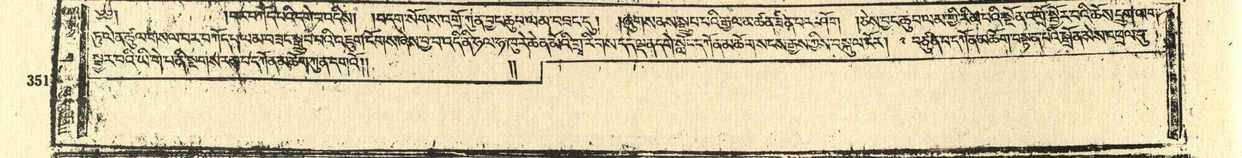༄༅། །བར་བཀོད་པའི་དགེ་བ་འདིས། །བདག་སོགས་འགྲོ་ཀུན་བྱང་ཆུབ་ལམ་བཟང་དུ། །ཞུགས་ནས་སྒྲུབ་པའི་རྒྱལ་མཚན་ཟིན་པར་ཤོག །ཅེས་བྱང་ཆུབ་ལམ་གྱི་རིམ་པའི་སྔོན་འགྲོ་སྦྱོར་བའི་ཆོས་དྲུག་ལག་
ཏུ་ལེན་ཚུལ་གསལ་བར་བཀོད་པ་ལམ་བཟང་སྒྲུབ་པའི་འཇུག་ངོགས་ཞེས་བྱ་བ་འདི་ནི་ཧལ་ཧ་ཁུ་རེ་ཆེན་མོའི་གྲྭ་རིགས་དད་ལྡན་དགེ་སློང་དཀོན་མཆོག་སངས་རྒྱས་ཀྱིས་བསྐུལ་ངོར། བཙུན་བ་དཀོན་མཆོག་བསྟན་པའི་སྒྲོན་མེས་འཕྲལ་དུ་
སྦྱར་བའི་ཡི་གེ་པ་ནི་སྔགས་རམ་པ་དཀོན་མཆོག་ཀུན་དགའོ།། །།